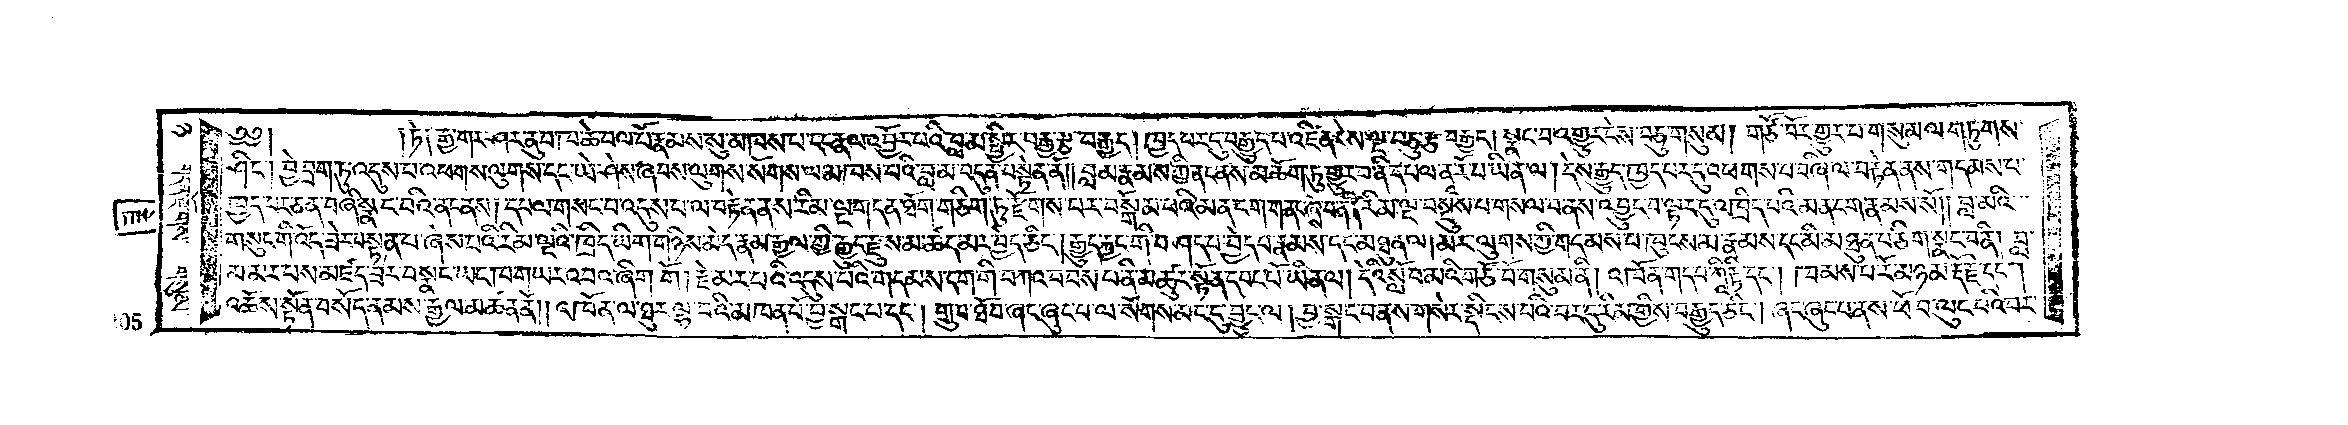༄༅། །ཏེ། རྒྱ་གར་ཤར་ནུབ་ཁ་ཆེ་བལ་པོ་རྣམས་སུ་མཁས་པ་དང་རྣལ་འབྱོར་པའི་བླ་མ་སྤྱིར་བརྒྱ་རྩ་བརྒྱད། ཁྱད་པར་དུ་བརྒྱུད་པ་འཛིན་ངེས་ལྔ་བཅུ་རྩ་བརྒྱད། སྣང་བ་འགྱུར་ངེས་བཅུ་གསུམ། གཙོ་བོར་གྱུར་པ་གསུམ་ལ་གཏུགས་
ཤིང་། བྱེ་བྲག་ཏུ་འདུས་པ་འཕགས་ལུགས་དང་ཡེ་ཤེས་ཞབས་ལུགས་སོགས་ལ་མཁས་པའི་བླ་མ་བདུན་བསྟེན་ནོ། །བླ་མ་རྣམས་ཀྱི་ནང་ནས་མཆོག་ཏུ་གྱུར་བ་ནི་དཔལ་ནཱ་རོ་པ་ཡིན་ལ། དེས་རྒྱུད་ཁྱད་པར་དུ་འཕགས་པ་བཞི་ལ་བརྟེན་ནས་གདམས་པ་
ཁྱད་པར་ཅན་བཞི་སྣང་བའི་ནང་ནས། དཔལ་གསང་བ་འདུས་པ་ལ་བརྟེན་ནས་རིམ་ལྔ་གདན་ཐོག་གཅིག་ཏུ་རྫོགས་པར་བསྒོམ་པའི་མན་ངག་གནང་ཞེས་བ་ནི། རིམ་ལྔ་བསྡུས་པ་གསལ་བ་ནས་འབྱུང་བ་ལྟར་དུ་འཁྲིད་པའི་མན་ངག་རྣམས་སོ། །བླ་མའི་
གསུང་གི་འོད་ཟེར་བསྟན་པ་ཞེས་པའི་རིམ་ལྔའི་ཁྲིད་ཡིག་གཉིས་མེད་རྣམ་རྒྱལ་གྱི་རྒྱུད་རྫུས་མ་ཚད་མར་བྱེད་ཅིང་། རྒྱུད་རྐྱང་གི་བཤད་པ་བྱེད་པ་རྣམས་དང་མཐུན་ལ། མར་ལུགས་ཀྱི་གདམས་པ་ཁུངས་མ་རྣམས་དང་མི་མཐུན་པ་ཅིག་སྣང་བ་ནི། བླ་
མ་མར་པས་མཛད་ཟེར་བ་སྣང་ཡང་ཁ་གཡར་འབའ་ཞིག་གོ །རྗེ་མར་པའི་འདུས་པའི་གདམས་ངག་གི་བཀའ་བབས་པ་ནི་མཚུར་སྟོན་དབང་པོ་ཡིན་ལ། དེའི་སློབ་མའི་གཙོ་བོ་གསུམ་ནི། འཁོན་གདབ་ཀཱི་རྟི་དང་། ཁམས་པ་རོ་མཉམ་རྡོ་རྗེ་དང་།
འཆོས་སྟོན་བསོད་ནམས་རྒྱལ་མཚན་ནོ། །འཁོན་ལ་ཐུར་ལྷ་བའི་མཁན་པོ་བྱ་སྒང་པ་དང་། གྲུབ་ཐོབ་ཞང་ཞུང་པ་ལ་སོགས་མང་དུ་བྱུང་ལ། བྱ་སྒང་བ་ནས་གསེར་སྡིངས་པའི་བར་དུ་རིམ་གྱིས་བརྒྱུད་ཅིང་། ཞང་ཞུང་པ་ནས་ཕོ་བ་ལུང་པའི་བར་